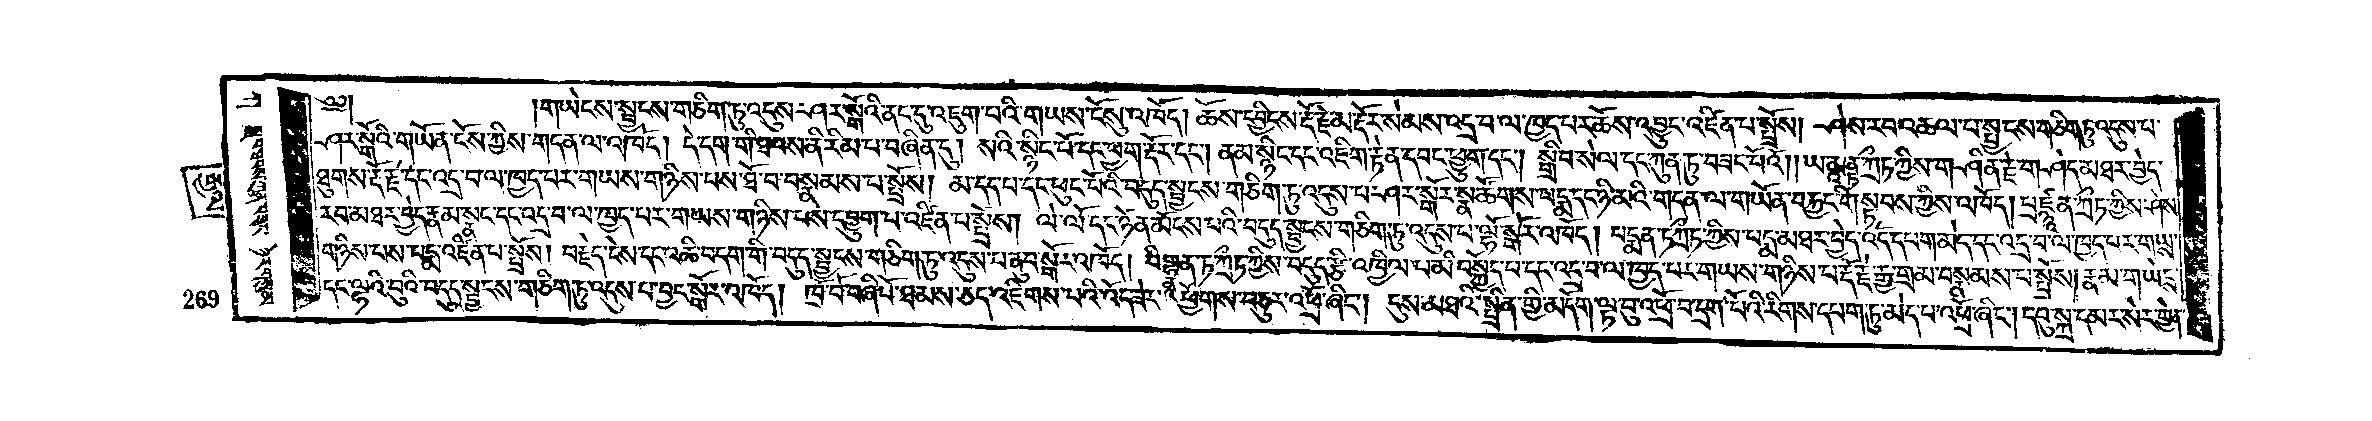༄༅། །གཡེངས་སྦྱངས་གཅིག་ཏུ་འདུས་ཤར་སྒོའི་ནང་དུ་འཇུག་པའི་གཡས་ངོས་སུ་འཁོད། ཆོས་དབྱིངས་རྡོ་རྗེ་མ་རྡོར་སེམས་འདྲ་བ་ལ་ཁྱད་པར་ཆོས་འབྱུང་འཛིན་པ་སྤྲོས། ཤེས་རབ་འཆལ་བ་སྦྱངས་གཅིག་ཏུ་འདུས་པ་
ཤར་སྒོའི་གཡོན་ངོས་ཀྱིས་གདན་ལ་འཁོད། དེ་དག་གི་ཟབས་ནི་རིམ་པ་བཞིན་དུ། སའི་སྙིང་པོ་དང་ཕྱག་རྡོར་དང་། ནམ་སྙིང་དང་འཇིག་རྟེན་དབང་ཕྱུག་དང་། སྒྲིབ་སེལ་དང་ཀུན་ཏུ་བཟང་པོའོ། །ཡ་མཱནཏྀ་ཀྲཏ་ཀྱིས་གཤིན་རྗེ་གཤེད་མཐར་བྱེད་
ཐུགས་རྡོ་རྗེ་དང་འདྲ་བ་ལ་ཁྱད་པར་གཡས་གཉིས་པས་ཐོ་བ་བསྣམས་པ་སྤྲོས། མ་དད་པ་དང་ཕུང་པོའི་བདུད་སྦྱངས་གཅིག་ཏུ་འདུས་པ་ཤར་སྒོར་སྣ་ཚོགས་པདམ་དང་ཉི་མའི་གདན་ལ་གཡོན་བརྐྱང་གི་སྟབས་ཀྱིས་འཁོད། པྲ་ཛྙཱ་ན་ཀྲྀཏ་ཀྱིས་ཤེས་
རབ་མཐར་བྱེད་རྣམ་སྣང་དང་འདྲ་བ་ལ་ཁྱད་པར་གཡས་གཉིས་པས་དབྱུག་པ་འཛིན་པ་སྤྲོས། ལེ་ལོ་དང་ཉོན་མོངས་པའི་བདུད་སྦྱངས་གཅིག་ཏུ་འདུས་པ་ལྷོ་སྒོར་འཁོད། པདམན་ཏ་རྀཏ་ཀྱིས་པདམ་མཐར་བྱེད་འོད་དཔག་མེད་དང་འདྲ་བ་ལ་ཁྱད་པརགཡས་
གཉིས་པས་པདམ་འཛིན་པ་སྤྲོས། བརྗེད་ངེས་དང་འཆི་བདག་གི་བདུད་སྦྱངས་གཅིག་ཏུ་འདུས་པ་ནུབ་སྒོར་འཁོད། བི་གྷན་ཏ་ཀྲྀཏ་ཀྱིས་བདུད་རྩི་འཁྱིལ་པ་མི་བསྐྱོད་པ་དང་འདྲ་བ་ལ་ཁྱད་པར་གཡས་གཉིས་པ་རྡོ་རྗེ་རྒྱ་གྲམ་བསྣམས་པ་སྤྲོས། རྣམ་གཡེངས་
དང་ལྷའི་བུའི་བདུད་སྦྱངས་གཅིག་ཏུ་འདུས་པ་བྱང་སྒོར་འཁོད། ཁྲོ་བོ་བཞི་པོ་ཐམས་ཅད་འཇིགས་པའི་འོད་ཟེར་གྱི་ཕྱོགས་བཅུར་འཕྲོ་ཞིང་། དུས་མཐའི་སྤྲིན་གྱི་མདོག་ལྟ་བུ་འཕྲོ་བ་དྲག་པོའི་རིགས་དཔག་ཏུ་མེད་པ་འཕྲོ་ཞིང་། དབུ་སྐྲ་དམར་སེར་གྱེན་